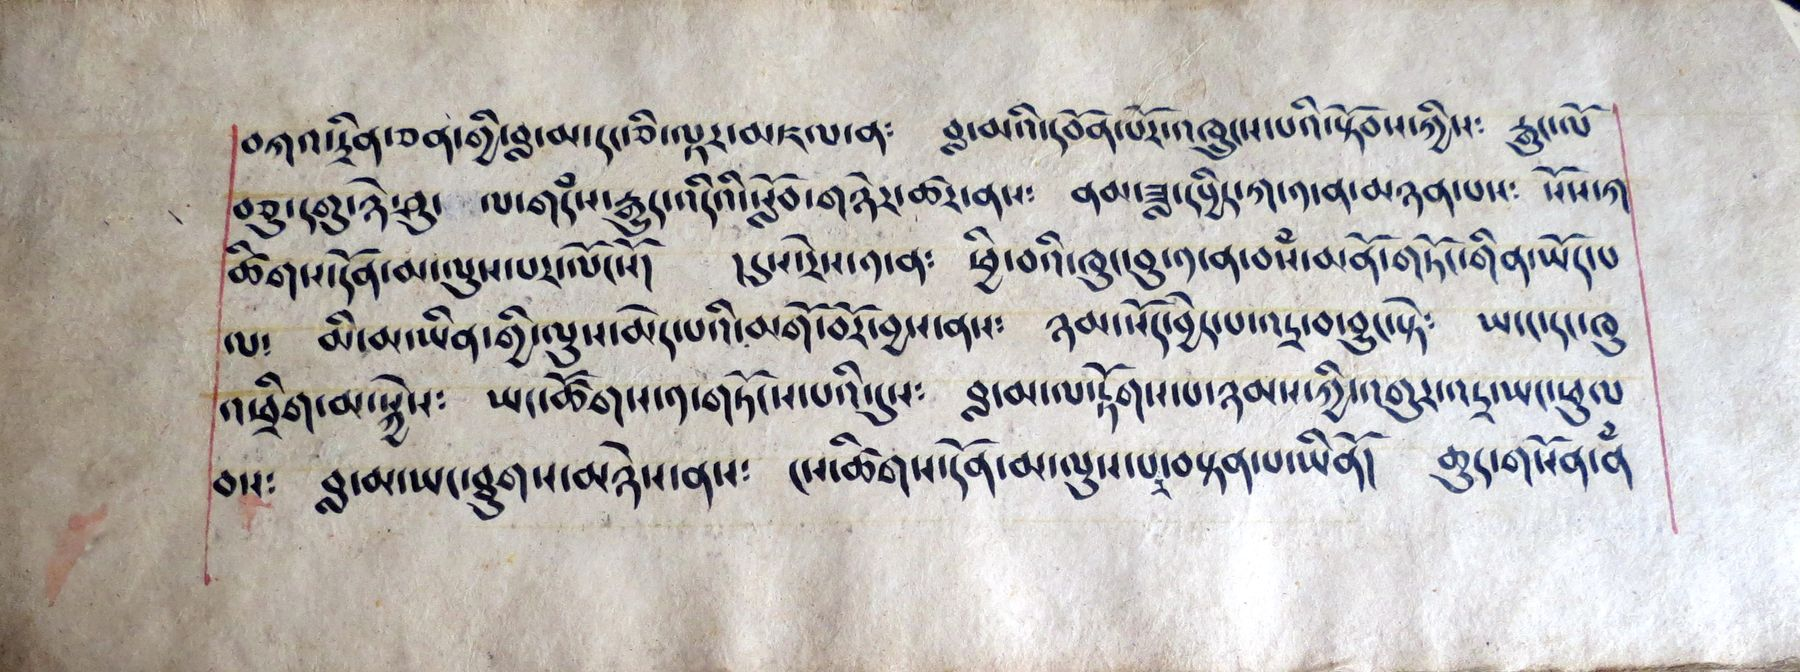བཀའ་དྲིན་ཅན་གྱི་བླ་མ་དང་ཅི་ལྟར་མཇལ་ན། བླ་མའི་དབོན་པོར་འཁྲུངས་པའི་སྟོབས་ཀྱིས། དགུང་ལོ་
བཅུ་དགུ་ཉི་ཤུ་བ་ལ། གདམས་རྒྱུད་འདིའི་སློབ་གཉེར་ཚར་ནས་ནམ་ཟླ་དཔྱིད་ཀ་ན་མཉན་པས། སོས་ཁ་
ཚིག་དོན་མ་ལུས་པར་ལོངས་སོ། །དུས་རེས་ཅིག་ན་ཕྱི་བའི་ཁུང་བུ་ཞིག་ན་བསམ་མནོ་གཏོང་གིན་ཡོད་པ་
ལ། མི་མ་ཡིན་གྱིས་ལུས་མེད་པའི་མགོ་བོར་བྱས་ནས། ཉམས་སོད་བྱེད་པ་འདྲ་བ་བྱུང་སྟེ་ ཡང་དང་ཁུ་
འཕྲིག་མ་སྐྱེས། ཡང་ཚོགས་ཅིག་བཏང་བའི་དུས་སུ། བླ་མ་ལ་རྟོགས་པ་ཉམས་ཀྱི་མགུར་འདྲ་ཡང་ཕུལ་
བས། བླ་མ་ཡང་ཐུགས་མཉེས་ནས། ངས་ཚིག་དོན་མ་ལུས་པར་བསྟན་པ་ཡིན་ནོ། །ཆུད་གསོན་ནམ་